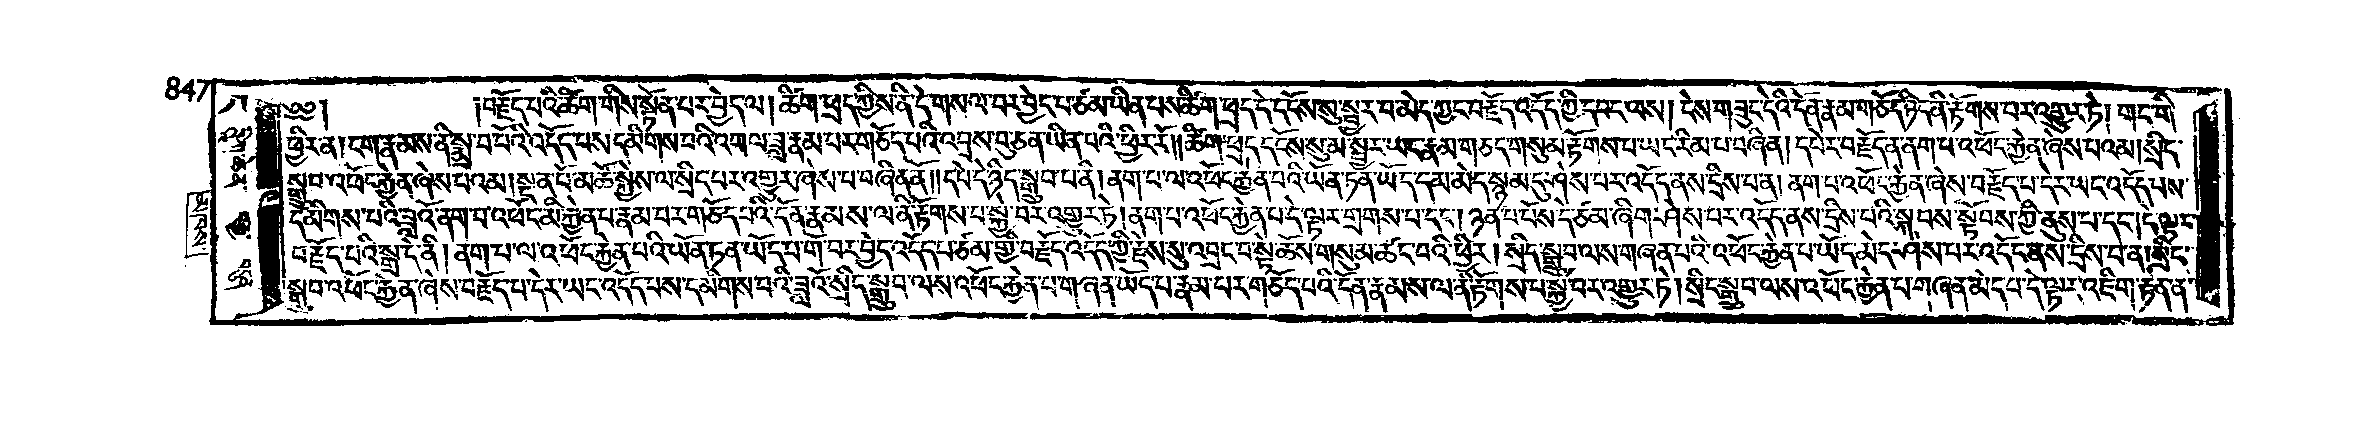]ཨཔྤརེནཏལཡ་ཨིནྕོམྤླེཏེ་ཐིས་ལིནེ]་། །བརྗོད་པའི་ཚིག་གིས་སྟོན་པར་བྱེད་ལ། ཚིག་ཕྲད་ཀྱིས་ནི་དེ་གསལ་བར་བྱེད་པ་ཙམ་ཡིན་པས་ཚིག་ཕྲད་དེ་དངོས་སུ་སྦྱར་བ་མེད་ཀྱང་བརྗོད་འདོད་ཀྱི་དབང་ལས། ངེས་གཟུང་དེའི་དོན་རྣམ་གཅོད་ཉིད་ནི་རྟོགས་པར་འགྱུར་ཏེ། གང་གི་
ཕྱིར་ན། ངག་རྣམས་ནི་སྨྲ་བ་པོའི་འདོད་པས་དམིགས་པའི་འགལ་ཟླ་རྣམ་པར་གཅོད་པའི་འབྲས་བུ་ཅན་ཡིན་པའི་ཕྱིར་རོ། །ཚིག་ཕྲད་དངོས་སུ་མ་སྦྱར་ཡང་རྣམ་གཅོད་གསུམ་རྟོགས་པ་ཡང་རིམ་པ་བཞིན། དཔེར་བརྗོད་ན་ནག་པ་འཕོང་རྐྱེན་ཞེས་པའམ། སྲིད་
སྒྲུབ་འཕོང་རྐྱེན་ཞེས་པའམ། སྔོན་པོ་མཚོ་སྐྱེས་ལ་སྲིད་པར་འགྱུར་ཞེས་པ་བཞིན་ནོ། །དཔེ་དེ་ཉིད་སྒྲུབ་པ་ནི། ནག་པ་ལ་འཕོང་རྐྱེན་པའི་ཡོན་ཏན་ཡོད་དམ་སྙམ་དུ་ཤེས་པར་འདོད་ནས་དྲིས་པ་ནག་པ་འཕྲོང་རྐྱེན་ཞེ་བརྗོད་པ་དེར་ཡང་འདོད་པས་
བརྗོད་པའི་སྒྲ་དེ་ནི། ནག་པ་ལ་འཕོང་རྐྱེན་པའི་ཡོན་ཏན་ཡོད་པ་གོ་བར་བྱེད་འདོད་པ་ཙམ་གྱི་བརྗོད་འདོད་ཀྱི་རྗེས་སུ་འབྲང་བ་སྟེ་ཆོས་གསུམ་ཚང་བའི་ཕྱིར། སྲིད་སྒྲུབ་ལས་གཞན་པའི་འཕོང་རྐྱེན་པ་ཡོད་མེད་ཤེས་པར་འདོད་ནས་དྲིས་པ་ན། སྲིད་
སྒྲུབ་འཕོང་རྐྱེན་ཞེས་བརྗོད་པ་དེར་ཡང་འདོད་པས་དམིགས་པའི་ཟླའོ་སྲིད་སྒྲུབ་ལས་འཕོང་རྐྱེན་པ་གཞན་ཡོད་པ་རྣམ་པར་གཅོད་པའི་དོན་རྣམས་ལ་ནི་རྟོགས་པ་སྐྱེ་བར་འགྱུར་ཏེ། སྲིད་སྒྲུབ་ལས་འཕོང་རྐྱེན་པ་གཞན་མེད་པ་དེ་ལྟར་འཇིག་རྟེན་ན་